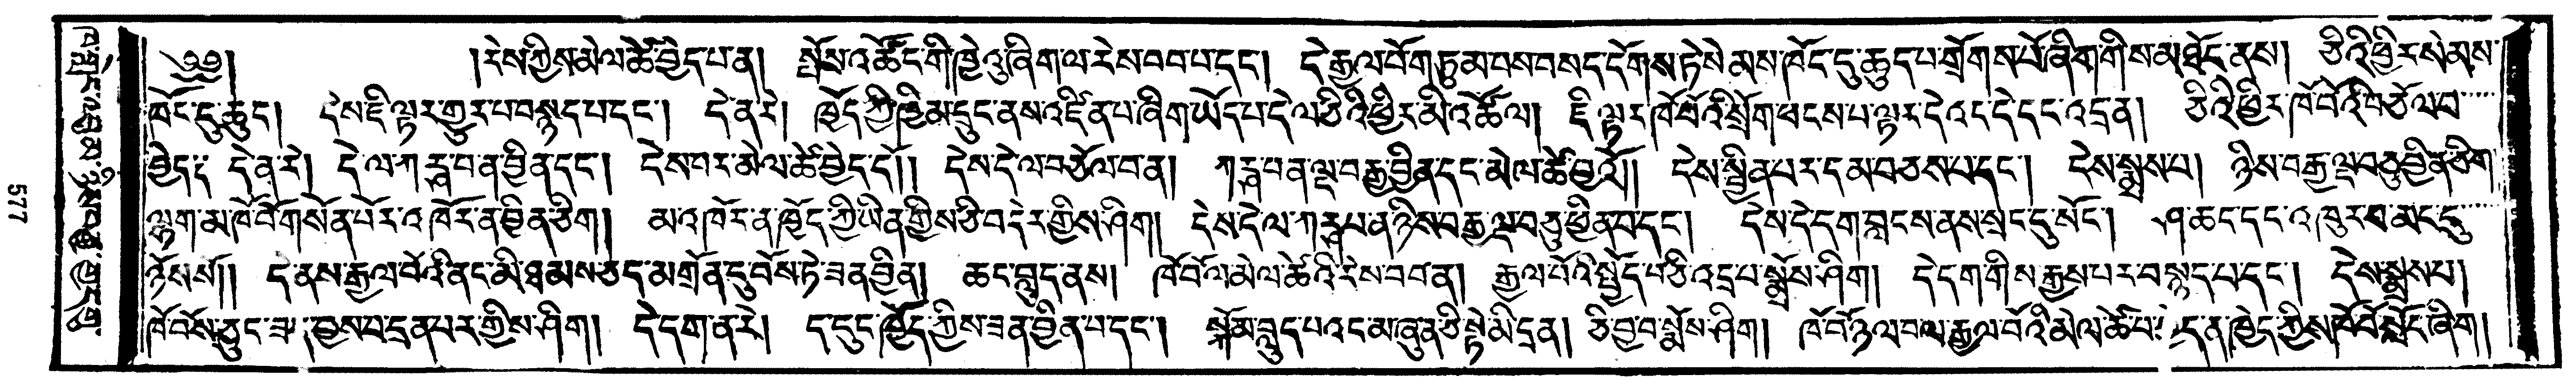༄༅། །རེས་ཀྱིས་མེལ་ཚེ་བྱེད་པ་ན། སྤོས་འཚོང་གི་ཁྱེའུ་ཞིག་ལ་རེས་བབ་པ་དང་། དེ་རྒྱལ་པོ་གཏུམ་པས་བསད་དོགས་ཏེ་སེམས་ཁོང་དུ་ཆུད་པ་གྲོགས་པོ་ཞིག་གིས་མཐོང་ནས། ཅིའི་ཕྱིར་སེམས་
ཁོང་དུ་ཆུང་། དེས་ཇི་ལྟར་གྱུར་པ་བསྙད་པ་དང་། དེ་ན་རེ། ཁྱོད་ཀྱི་ཁྱིམ་དྲུང་ནས་འཛིན་པ་ཞིག་ཡོད་པ་དེ་ལ་ཅིའི་ཕྱིར་མི་འཚོལ། ཇི་ལྟར་ཁོ་བོའི་སྲོག་ཕངས་པ་ལྟར་དེའང་དེ་དང་འདྲན། ཅིའི་ཕྱིར་ཁོ་བོའི་བཅོལ་བ་
བྱེད༑ དེ་ན་རེ། དེ་ལ་ཀརྴ་པ་ན་བྱིན་དང་། ངེས་པར་མེལ་ཚེ་བྱེད་དོ།། དེས་དེ་ལ་བཅོལ་བ་ན། ཀརྴ་པ་ན་ལྔ་བརྒྱ་བྱིན་དང་མེལ་ཚེ་བྱའོ།། དེས་སྦྱིན་པར་དམ་བཅས་པ་དང་། དེས་སྨྲས་པ། ཉིས་བརྒྱ་ལྔ་བཅུ་བྱིན་ཅིག་
ལྷག་མ་ཁོ་བོ་གསོན་པོར་འཁོར་ན་བྱིན་ཅིག། མ་འཁོར་ན་ཁྱོད་ཀྱི་ཡིན་གྱིས་ཅི་བདེར་གྱིས་ཤིག། དེས་དེ་ལ་ཀརྴ་པ་ན་ཉིས་བརྒྱ་ལྔ་བཅུ་ཕྱིན་པ་དང་། དེས་དེ་དག་བླངས་ནས་སྲང་དུ་སོང་། ཤ་ཆང་དང་འཁུར་བ་མང་དུ་
ཉོས་སོ།། དེ་ནས་རྒྱལ་པོའི་ནང་མི་ཐམས་ཅད་མགྲོན་དུ་བོས་ཏེ་ཟན་བྱིན། ཆང་བླུད་ནས། ཁོ་བོ་ལ་མེལ་ཚེའི་རེས་བབ་ན། རྒྱལ་པོའི་སྤྱོད་པ་ཅི་འདྲ་པ་སྨྲོས་ཤིག། དེ་དག་གིས་རྒྱས་པར་བསྙད་པ་དང་། དེས་སྨྲས་པ།
ཁོ་བོས་ཅུང་ཟད་བྱས་པ་དྲན་པར་གྱིས་ཤིག། དེ་དག་ན་རེ། ད་དུང་ཁྱོད་ཀྱིས་ཟན་བྱིན་པ་དང་། སྐོམ་བླུད་པའང་མ་ཞུ་ན་ཅི་སྟེ་མི་དྲན། ཅི་བྱ་བ་སྨོས་ཤིག། ཁོ་བོ་ཉལ་བ་ལ་རྒྱལ་བོའི་མེལ་ཚེ་བ་བྱེད་ན་ཁྱེད་ཀྱིས་ཁོ་བོ་སློང་ཞིག།